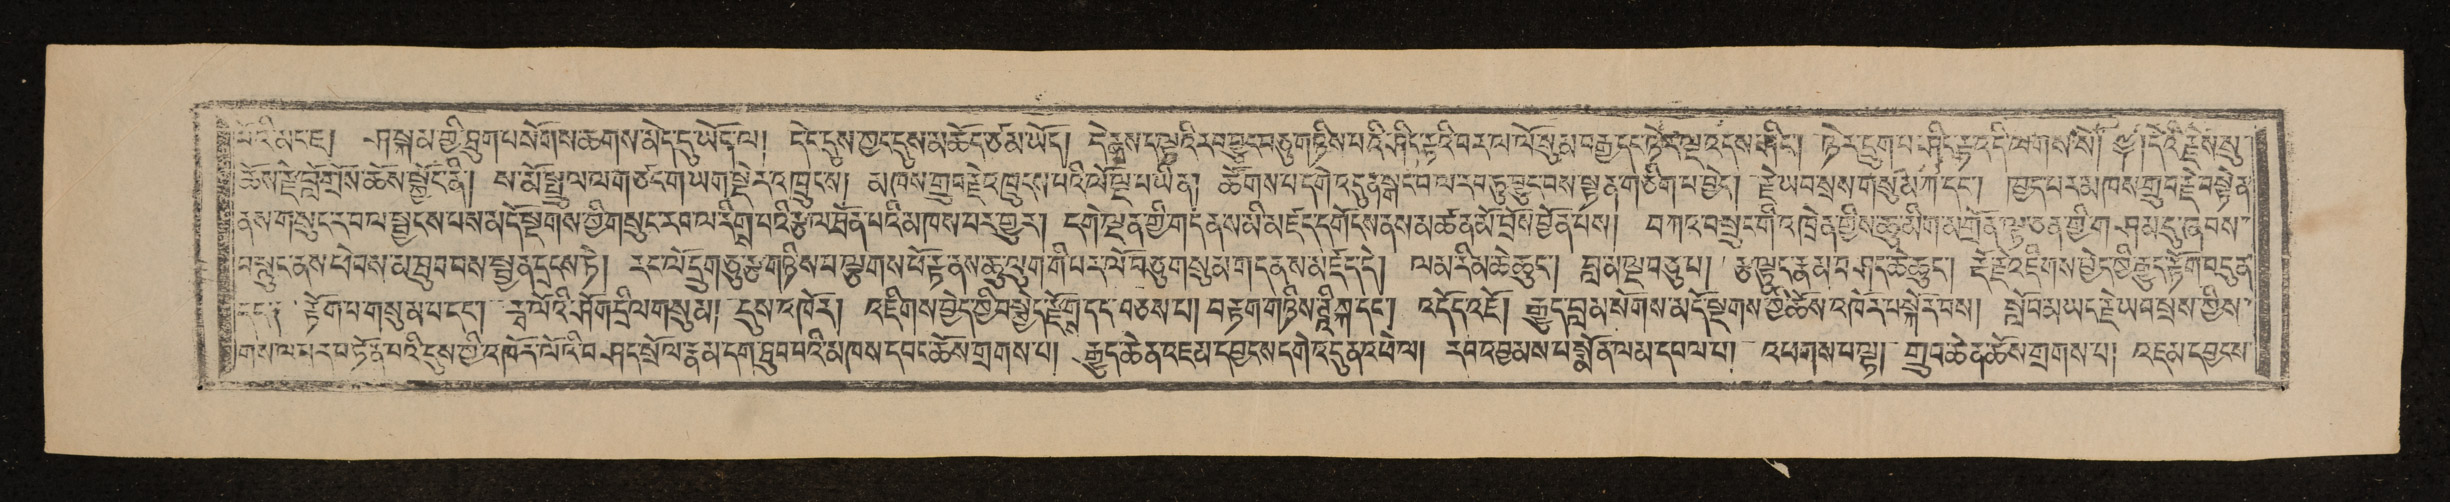པོའི་མང་ཇ། ཤ་སྐམ་གྱི་ཐུག་པ་སོགས་ཆགས་མེད་དུ་ཡོད་ལ། དེང་དུས་ཀྱང་དུས་མཆོད་ཙམ་ཡོད། དེ་ནས་ད་ལྟའི་རབ་བྱུང་བཅུ་གཉིས་པའི་ཤིང་རྟའི་བར་ལ་ལོ་སུམ་བརྒྱ་དང་ཉེར་ལྔ་འདས་ཤིང་། ཉེར་དྲུག་པ་ཤིང་རྟ་འདི་ལགས་སོ། ༈ །དེའི་རྗེས་སུ་
ཚས་རྗེ་བློ་གྲོས་ཆོས་སྐྱོང་ནི། ས་མོ་སྦྲུལ་ལ་གཙང་གཡག་སྡེར་འཁྲུངས། མཁས་གྲུབ་རྗ་འཁྲུངས་པའི་ལོ་ལྔ་པ་ཡིན། ཚོགས་པ་དགེ་འདུན་སྒང་བ་ལ་རབ་ཏུ་བྱུང་བས་སྟན་གཅིག་པ་བྱེད། རྗེ་ཡབ་སྲས་གསུམ་ཀ་དང་། ཁྱད་པར་མཁས་གྲུབ་རྗེ་བསྟེན་
ནས་གསུང་རབ་ལ་སྤྱངས་པས་མདོ་སྔགས་ཀྱི་གསུང་རབ་ལ་རིགས་པའི་རྩལ་ཐོན་པའི་མཁས་པར་གྱུར། དགེ་ལྡན་གྱི་གང་ནས་མི་མཛད་དགོངས་ནས་མཚན་མོ་བྲོས་བྱོན་པས། བཀའ་བསྲུང་གི་འཁྲེན་གྱིས་ཆུ་མིག་མགྲོན་ལྷ་ཅན་གྱི་གཤམ་དུ་ཞབས་
བསྙུང་ནས་ཕེབས་མ་ཐུབ་པས་སྤྱན་དྲངས་ཏེ། རང་ལོ་དྲུག་ཅུ་རྩ་གཉིས་པ་ལྕགས་ཕོ་རྟ་ནས་ཆུ་ལུག་གི་བར་ལོ་བཅུ་གསུམ་གདན་ས་མཛད་དེ། ལམ་རིམ་ཆེ་ཆུང་། བླ་མ་ལྔ་བཅུ་པ། རྩ་ལྟུང་རྣམ་བཤད་ཆེ་ཆུང་། རྡོ་རྗེ་འཇིགས་བྱེད་ཀྱི་རྒྱུད་རྟོག་བདུན་
དང༑ རྟོག་པ་གསུམ་པ་དང་། ར་ལོའི་ཤོག་དྲིལ་གསུམ། དུས་འཁོར། འཇིགས་བྱེད་ཀྱི་བསྐྱེད་རྫོགས་དང་བཅས་པ། བརྟག་གཉིས་ཊཱིཀྐ་དང་། འདོད་འཇོ། རྒྱུད་བླ་མ་སོགས་མདོ་སྔགས་ཀྱི་ཆོས་འཁོར་བསྐོར་བས། སློབ་མ་ཡང་རྗེ་ཡབ་སྲས་ཀྱིས་
གསལ་བར་བརྟོན་པའི་དུས་ཀྱི་འཁོར་ལོའི་བཤད་སྲོལ་རྣམ་དག་ཐུབ་པའི་མཁས་དབང་ཆོས་གྲགས་པ། རྒྱུད་ཆེན་འཇམ་དབྱངས་དགེ་འདུན་འཕེལ། རབ་འབྱམས་པ་སྨོན་ལམ་དཔལ་བ། འཕགས་པ་ལྷ། གྲུབ་ཆེན་ཆོས་གྲགས་པ། འཇམ་དབྱངས་